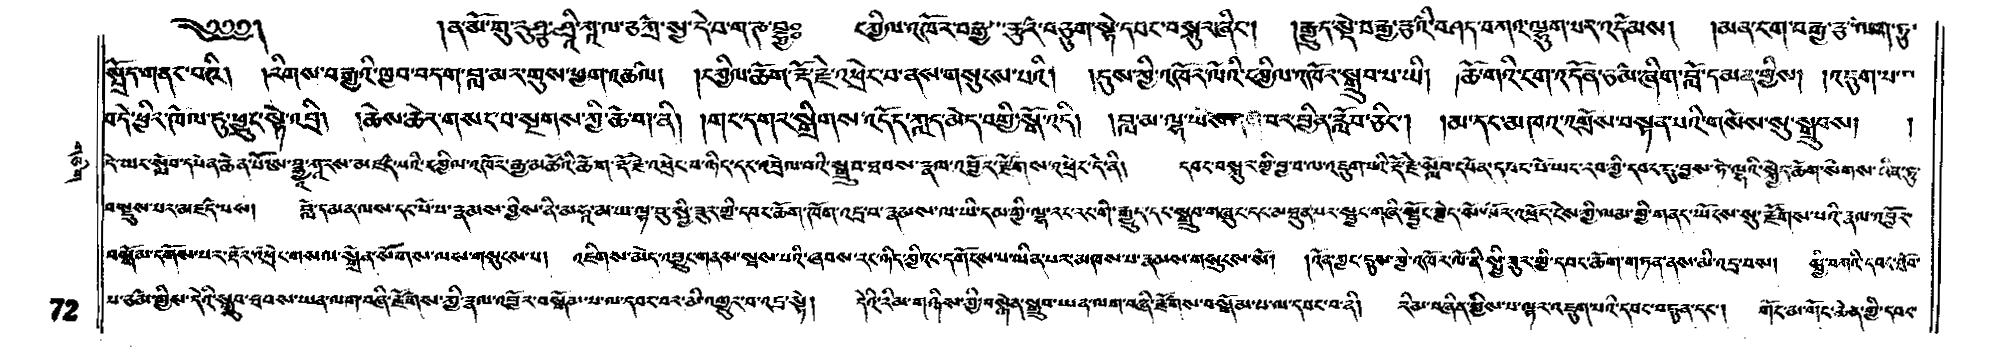༄༅༅། །ན་མོ་གུ་རུཤྩ་ཤྲཱི་ཀཱ་ལ་ཙཀྲ་སྱ་དེ་བ་ག་ཎ་བྷྱཿ དཀྱིལ་འཁོར་བརྒྱ་རྩར་བཅུག་སྟེ་དབང་བསྐུར་ཞིང་། །རྒྱུད་སྡེ་བརྒྱ་རྩའི་བཤད་བཀའ་ལྷུག་པར་འདོམས། །མན་ངག་བརྒྱ་རྩ་ལག་ཏུ་
སྤྲོད་གནང་བའི། །རིགས་བརྒྱའི་ཁྱབ་བདག་བླ་མར་གུས་ཕྱག་འཚལ། །དཀྱིལ་ཆོག་རྡོ་རྗེ་འཕྲེང་བ་ནས་གསུངས་པའི། །དུས་ཀྱི་འཁོར་ལོའི་དཀྱིལ་འཁོར་སྒྲུབ་པ་ཡི། །ཆོ་གའི་ངག་འདོན་ཙམ་ཞིག་བློ་དམན་གྱིས། །འཇུག་པ་ལ་
བདེ་ཕྱིར་ཁོལ་དུ་ཕྱུང་སྟེ་འབྲི། །ཆེས་ཆེར་གསང་བ་སྔགས་ཀྱི་ཆོ་ག་ནི། །གང་དགར་སྒྲིགས་འདོད་ཀླད་མེད་བགྱི་སྒོ་འདི། །བླ་མ་ལྷ་ཡིང་བདག་བར་བྱིན་རློབ་ཅིང་། །མ་དང་མཁའ་འགྲོས་བསྟན་པའི་གསོས་སུ་སྒྲུབས། །
དེ་ཡང་སློབ་དཔོན་ཆེན་པོ་ཨ་བྷྱཱ་ཀཱ་རས་མཛད་པའི་དཀྱིལ་འཁོར་རྒྱ་མཚོའི་ཆོག་རྡོ་རྗེ་འཕྲེང་བ་ཉིད་དང་འབྲེལ་བའི་སྒྲུབ་ཐབས་རྣལ་འབྱོར་འཛོགས་འཕྲེང་དེ་ནི། དབང་བསྐུར་གྱི་བྱ་བ་ལ་འཇུག་པའི་རྡོ་རྗེ་སློབ་དཔོན་དབང་པོ་ཡང་རབ་ཀྱི་དབང་དུ་བྱས་ཏེ་ལྷའི་སྐྱེད་ཆོག་སོགས་འིན་ཏུ་
བསྡུས་པར་མཛད་པས། བློ་དམན་ལས་དང་པོ་པ་རྣམས་བྱིས་ནི་མཧཱ་མ་ཡ་ལྟ་བུ་སྤྱི་ཟུར་གྱི་དབང་ཆོག་ཁོག་འདྲ་བ་རྣམས་ལ་ཡི་དམ་གྱི་ལྷ་རང་རང་གི་རྒྱུད་དང་སྒྲུབ་གཞུང་དང་མཐུན་པར་སྦྱང་གཞི་སྦྱོང་བྱེད་སོ་སོར་འཕྲོད་ངེས་ཀྱི་ལམ་གྱི་གནད་ཡོངས་སུ་རྫོགས་པའི་རྣལ་འབྱོར་
བསྒོམ་དགོས་པར་རྡོར་འཕྲིང་གསལ་སྒྲོན་སོགས་ལས་གསུངས་པ། འཇིགས་མེད་འབྱུང་གནས་སྤས་པའི་ཞབས་རང་ཉིད་ཀྱིའང་དགོངས་པ་ཡིན་པར་མཁས་པ་རྣམས་གསུངས་སོ། །འོན་ཀྱང་དུས་ཀྱི་འཁོར་ལོ་ནི་སྤྱི་ཟུར་གྱི་དབང་ཆོག་གཏན་ནས་མི་འདྲ་བས། སྤྱི་བཀའི་དབང་ཐོབ་
པ་ཙམ་གྱིས་དེའི་སྒྲུབ་ཐབས་ཡན་ལག་བཞི་རྫོགས་ཀྱི་རྣལ་འབྱོར་བ་སྒོམ་པ་ལ་དབང་བར་མི་འགྱུར་བ་འདྲ་སྟེ། དེའི་རིམ་གཉིས་ཀྱི་བསྙེན་སྒྲུབ་ཡན་ལག་བཞི་རྫོགས་བསྒོམ་པ་ལ་དབང་བ་ནི། རིམ་བཞིན་གྱིས་པ་ལྟར་འཇུག་པའི་དབང་བདུན་དང་། གོང་མ་གོང་ཆེན་གྱི་དབང་